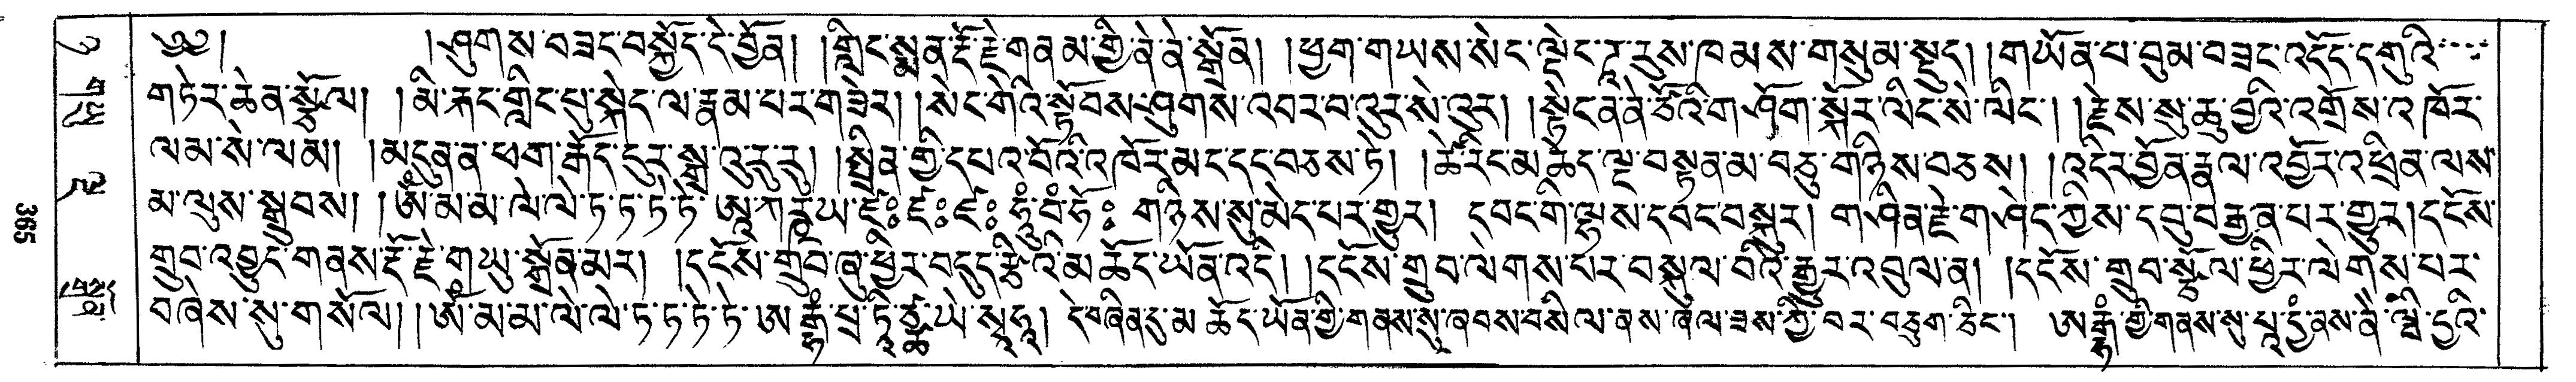༄༅། །ཤུགས་བཟང་བསྐྱོད་དེ་བྱོན། །གླིང་སྨན་རྡོ་རྗེ་གནམ་གྱི་ནེ་ནེ་སྒྲོན། །ཕྱག་གཡས་སེང་ལྡེང་ཌཱ་རུས་ཁམས་གསུམ་སྡུད། །གཡོན་པ་བུམ་བཟང་འདོད་དགུའི་
གཏེར་ཆེན་སྩོལ། །མི་རྐང་གླིང་བུ་སྐེད་ལ་རྣམ་པར་གཟེར། །སེང་གེའི་སྟོབས་ཤུགས་འབར་བ་འུར་སེ་འུར། །སྟེང་ན་ནེ་ཙོའི་གཤོག་སྐོར་ལིང་སེ་ལིང་། །རྗེས་སུ་ཆུ་བྱའི་འགྲོས་འཁོར་
ལམ་སེ་ལམ། །མདུན་ན་ཕག་རྒོད་དུར་སྒྲ་འུ་རུ་རུ། །སྤྲིན་གྱི་དཔའ་བོའི་འཁོར་མང་དང་བཅས་ཏེ། །ཚེ་རིང་མཆེད་ལྔ་བསྟན་མ་བཅུ་གཉིས་བཅས། །འདིར་བྱོན་རྣལ་འབྱོར་འཕྲིན་ལས་
མ་ལུས་སྒྲུབས། །ཨོཾ་མ་མ་ལེ་ལེ་ཏ་ཏ་ཏེ་ཏེ་ཨཱ་ཀརྵ་ཡ་ཛཿ ཛཿ ཛཿ ཛ་H ཧཱུཾ་བཾ་ཧོཿ གཉིས་སུ་མེད་པར་གྱུར། དབང་གི་ལྷས་དབང་བསྐུར། གཤིན་རྗེ་གཤེད་ཀྱིས་དབུ་བརྒྱན་པར་གྱུར། །དངོས་
གྲུབ་འབྱུང་གནས་རྡོ་རྗེ་གཡུ་སྒྲོན་མར། །དངོས་གྲུབ་ཞུ་ཕྱིར་བདུད་རྩིའི་མཆོད་ཡོན་འདི། །དངོས་གྲུབ་ལེགས་པར་བསྐུལ་བའི་རྒྱུར་འབུལ་ན། །དངོས་གྲུབ་སྩོལ་ཕྱིར་ལེགས་པར་
བཞེས་སུ་གསོལ། །ཨོཾ་མ་མ་ལེ་ལེ་ཏ་ཏ་ཏེ་ཏེ་ཨརྒྷཾ་པྲ་ཏཱིཙྪ་ཡེ་སྭཱཧཱ། དེ་བཞིན་དུ་མཆོད་ཡོན་གྱི་གནས་སུ་ཞབས་བསིལ་ནས་ཞལ་ཟས་ཀྱི་བར་བཅུག་ཅིང་། ཨརྒྷཾ་གྱི་གནས་སུ་པཱ་དྱཾ་ནས་ནཻ་ཝི་དྱའི་